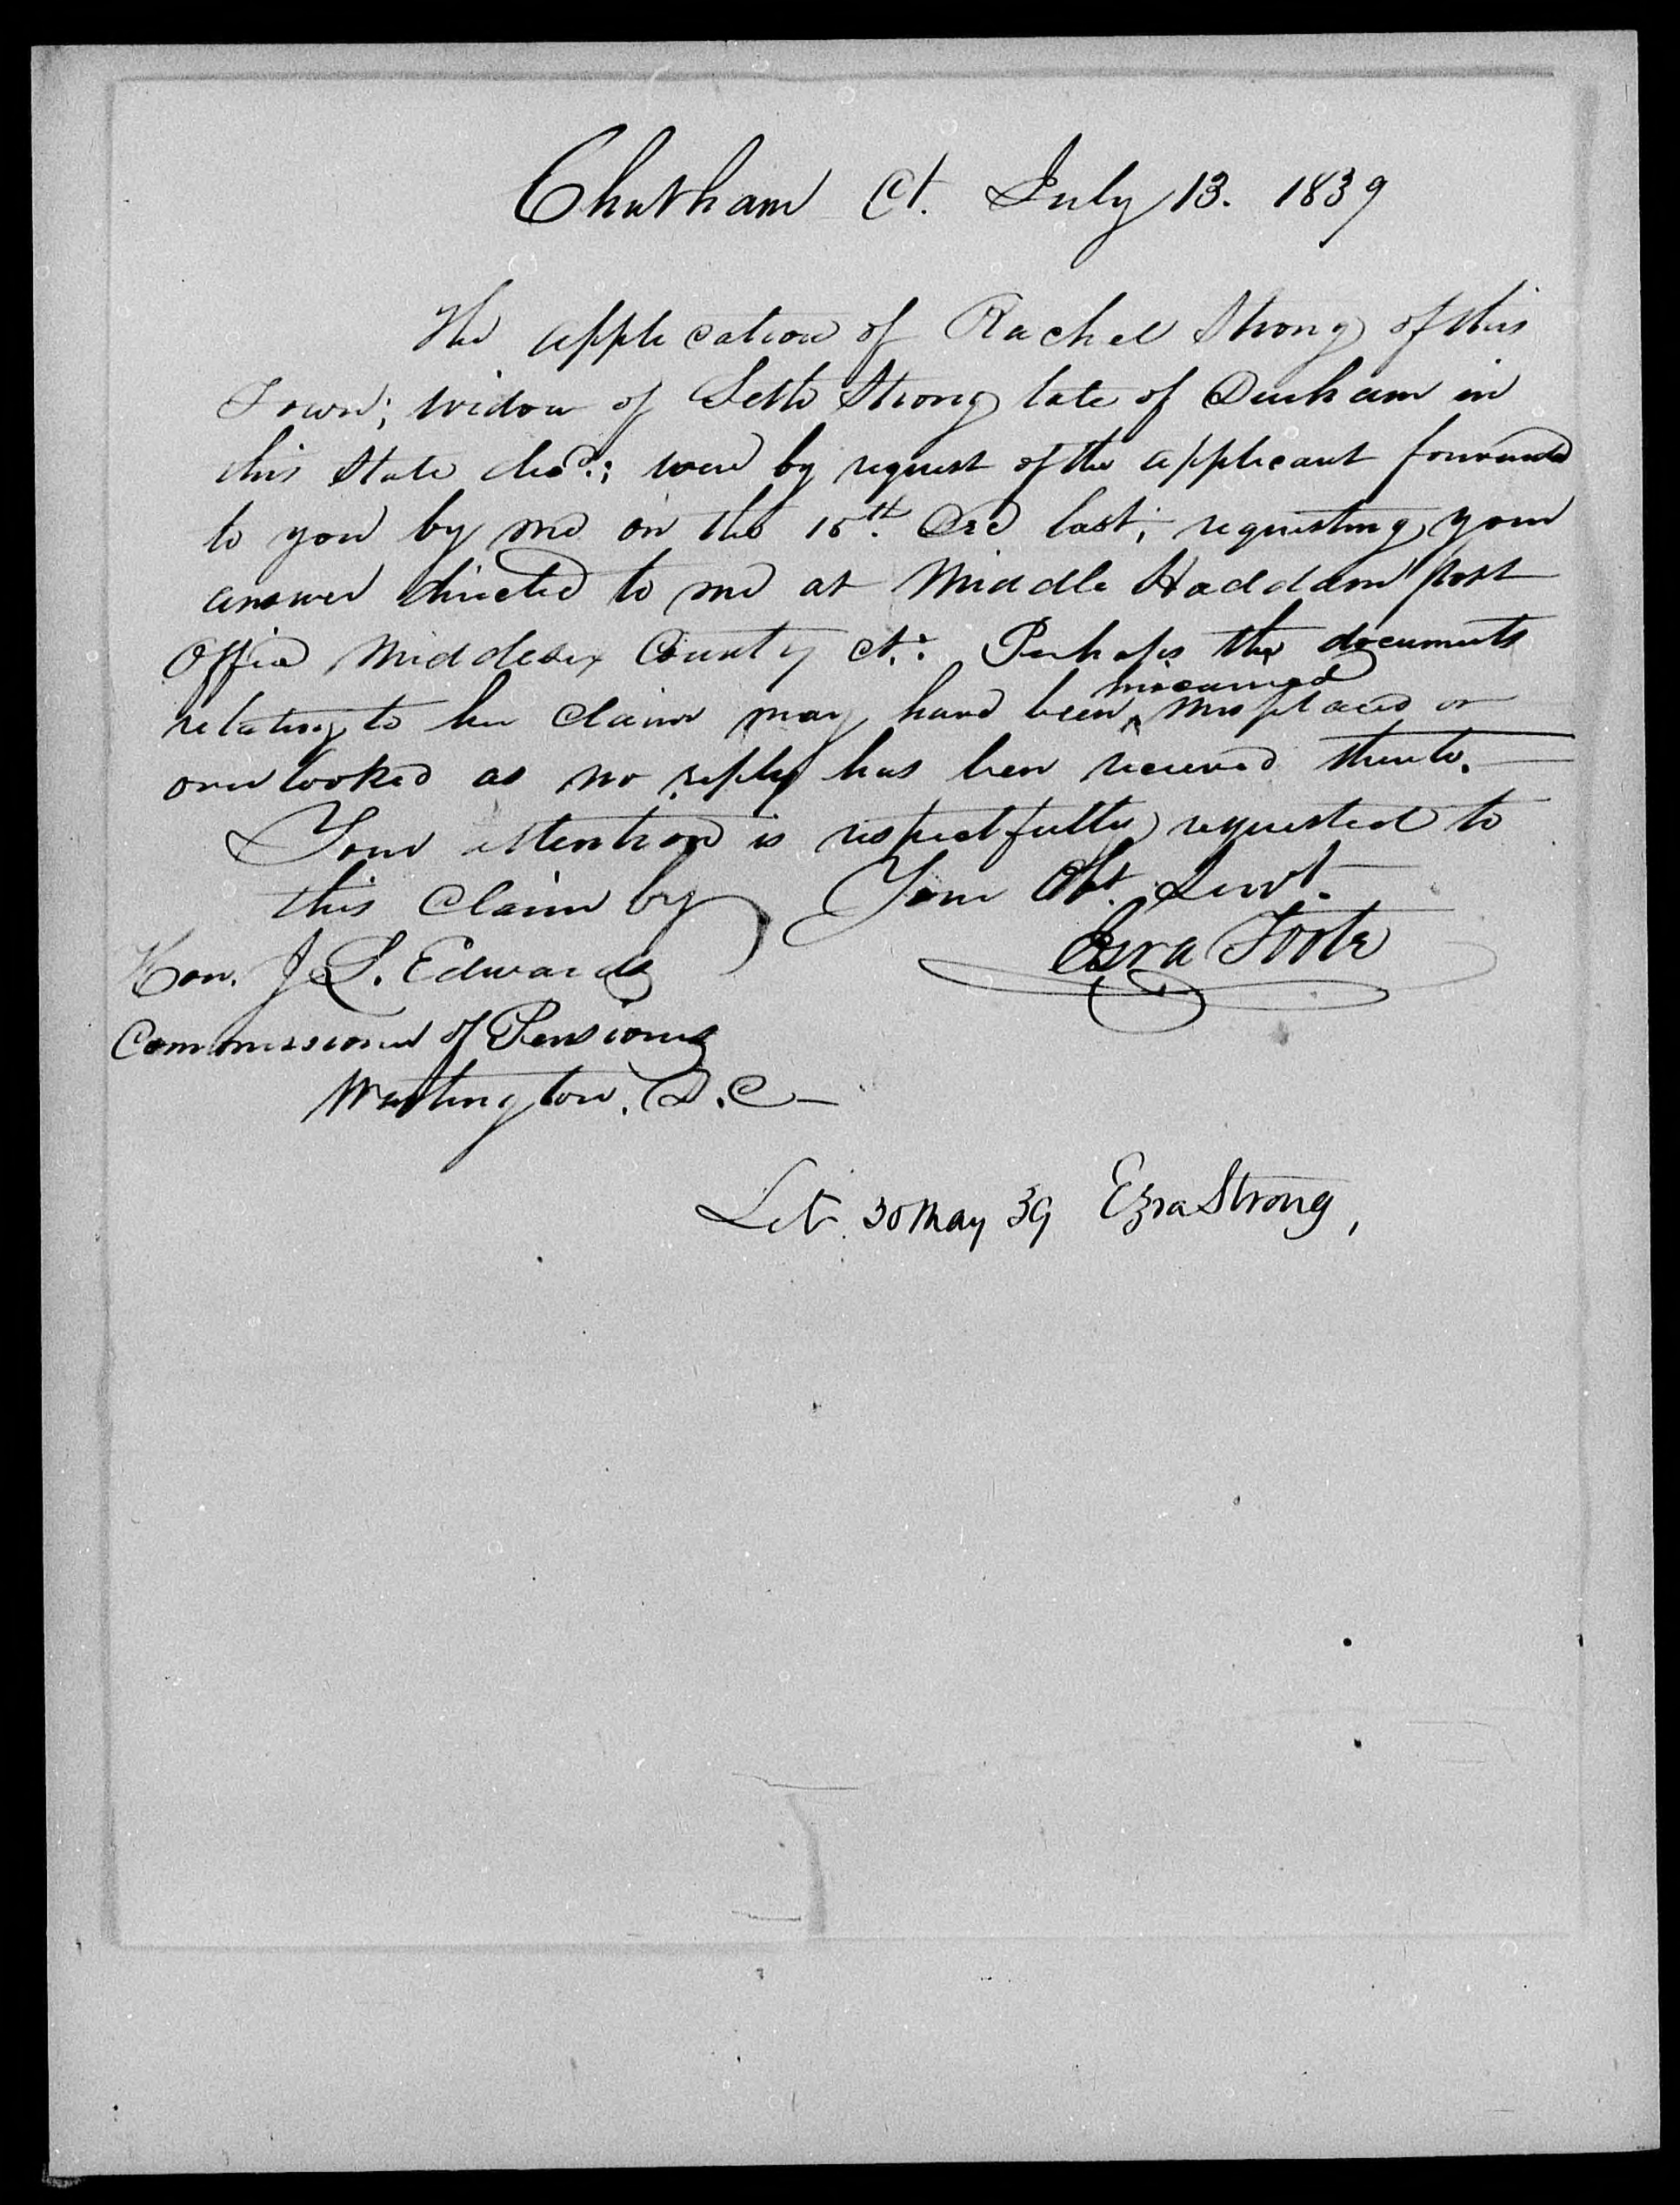Chatham Ct. July 13. 1839

The application of Rachel Strong of this Town; widow of Seth Strong late of Durham in this state decd; was by request of the applicant forwarded to you by me on the 15th. Dec last; requesting your answer directed to me at Middle Haddam Post Office Middlesex County Ct: Perhaps the documents relating to her claim may have been miscarried misplaced or  overlooked as no reply has been received thereto.

Your attention is respectfully requested to this claim by Your Obt Servt
Ezra Foote

Hon. J.L. Edwards
Commissioner of Pensions
Washington, D.C.

Letr. 30 May 39 Ezra Strong,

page: 30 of 47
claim: widow's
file: W. 17879, for Seth Strong, Connecticut